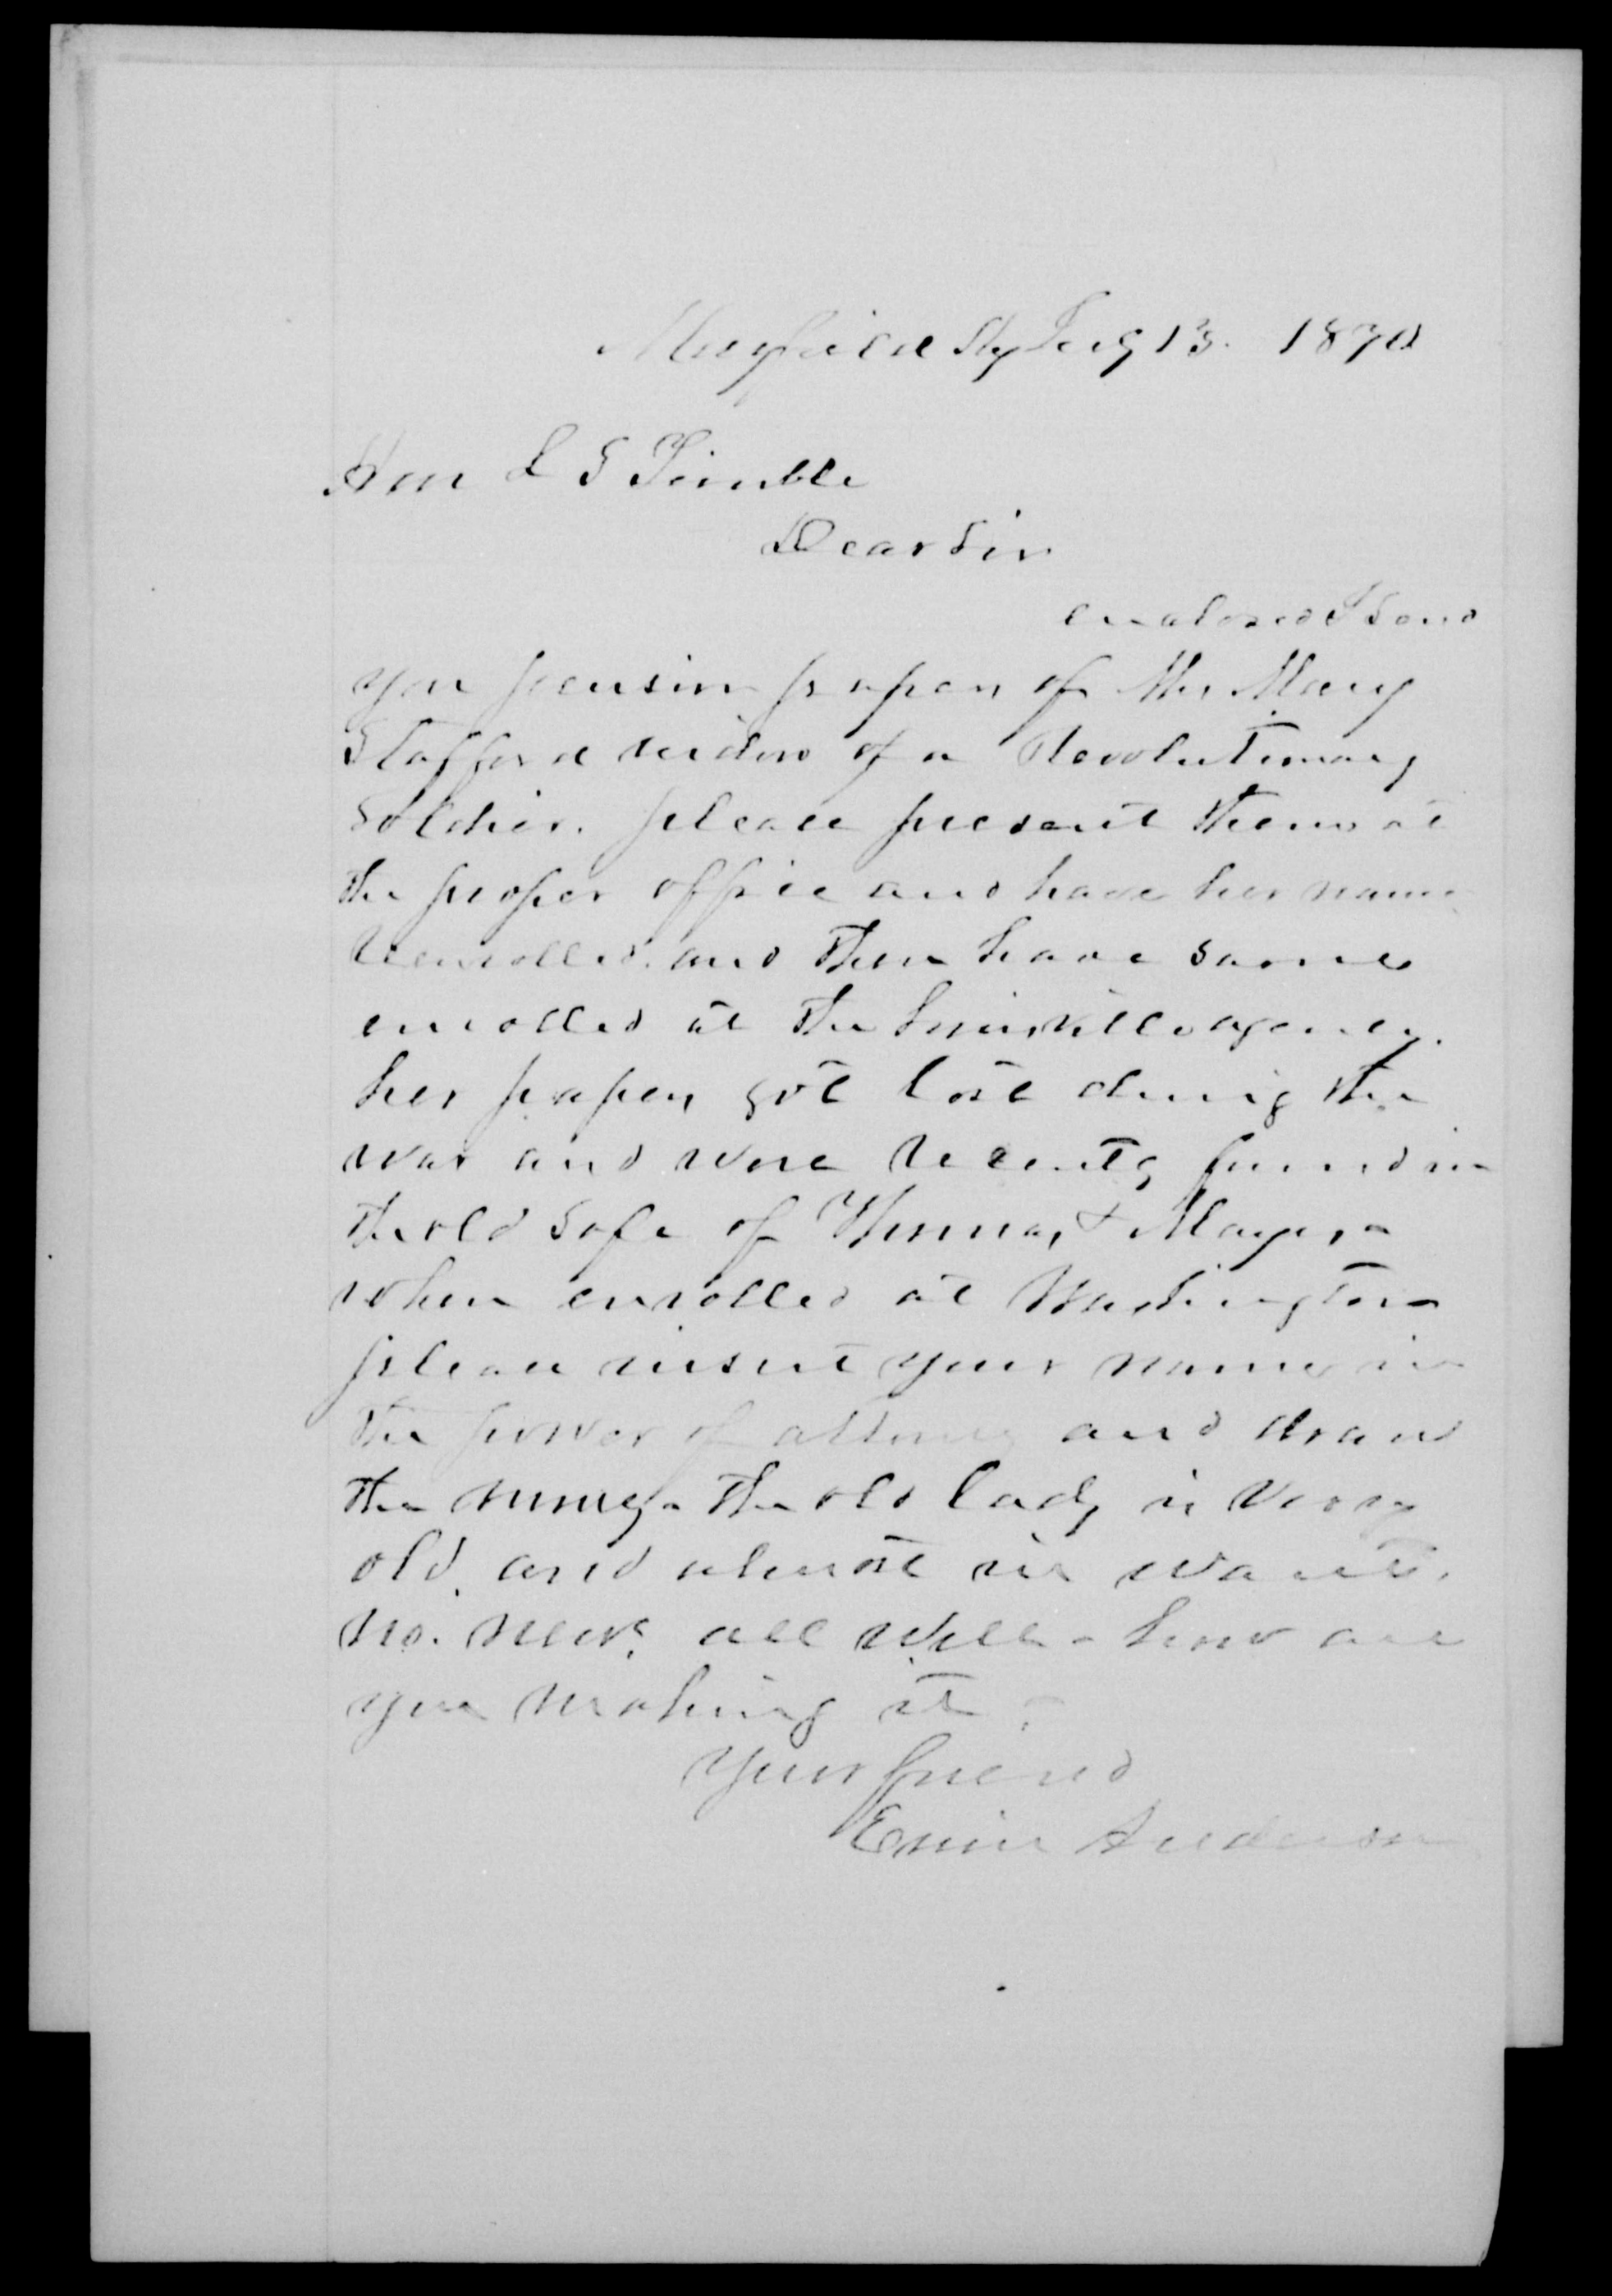Mayfield Ky July 13 1870

Hon L S Kimble
Dear Sir
Enclosed I send you pension papers of Mrs Mary Stafford widow of a Revolutionary Soldier. please present items  at the proper office and have her name enrolled, and then have same enrolled at the Louisville agency. her papers got lost during the war and were recently found in the old safe of Thomas & Mays. When enrolled at Washington please insert your name in the power of attorney and draw the money. The old lady is very old, and [undecipherable] waits. No news allwill, Serve are your making it
Your friend
Emir Anderson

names: Emie Anderson; [BLANK] Mayes; L S Timble; Thomas [BLANK]; Mary Stafford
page: 38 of 61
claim: widow's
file: W. 11554, for John Stafford, Maryland